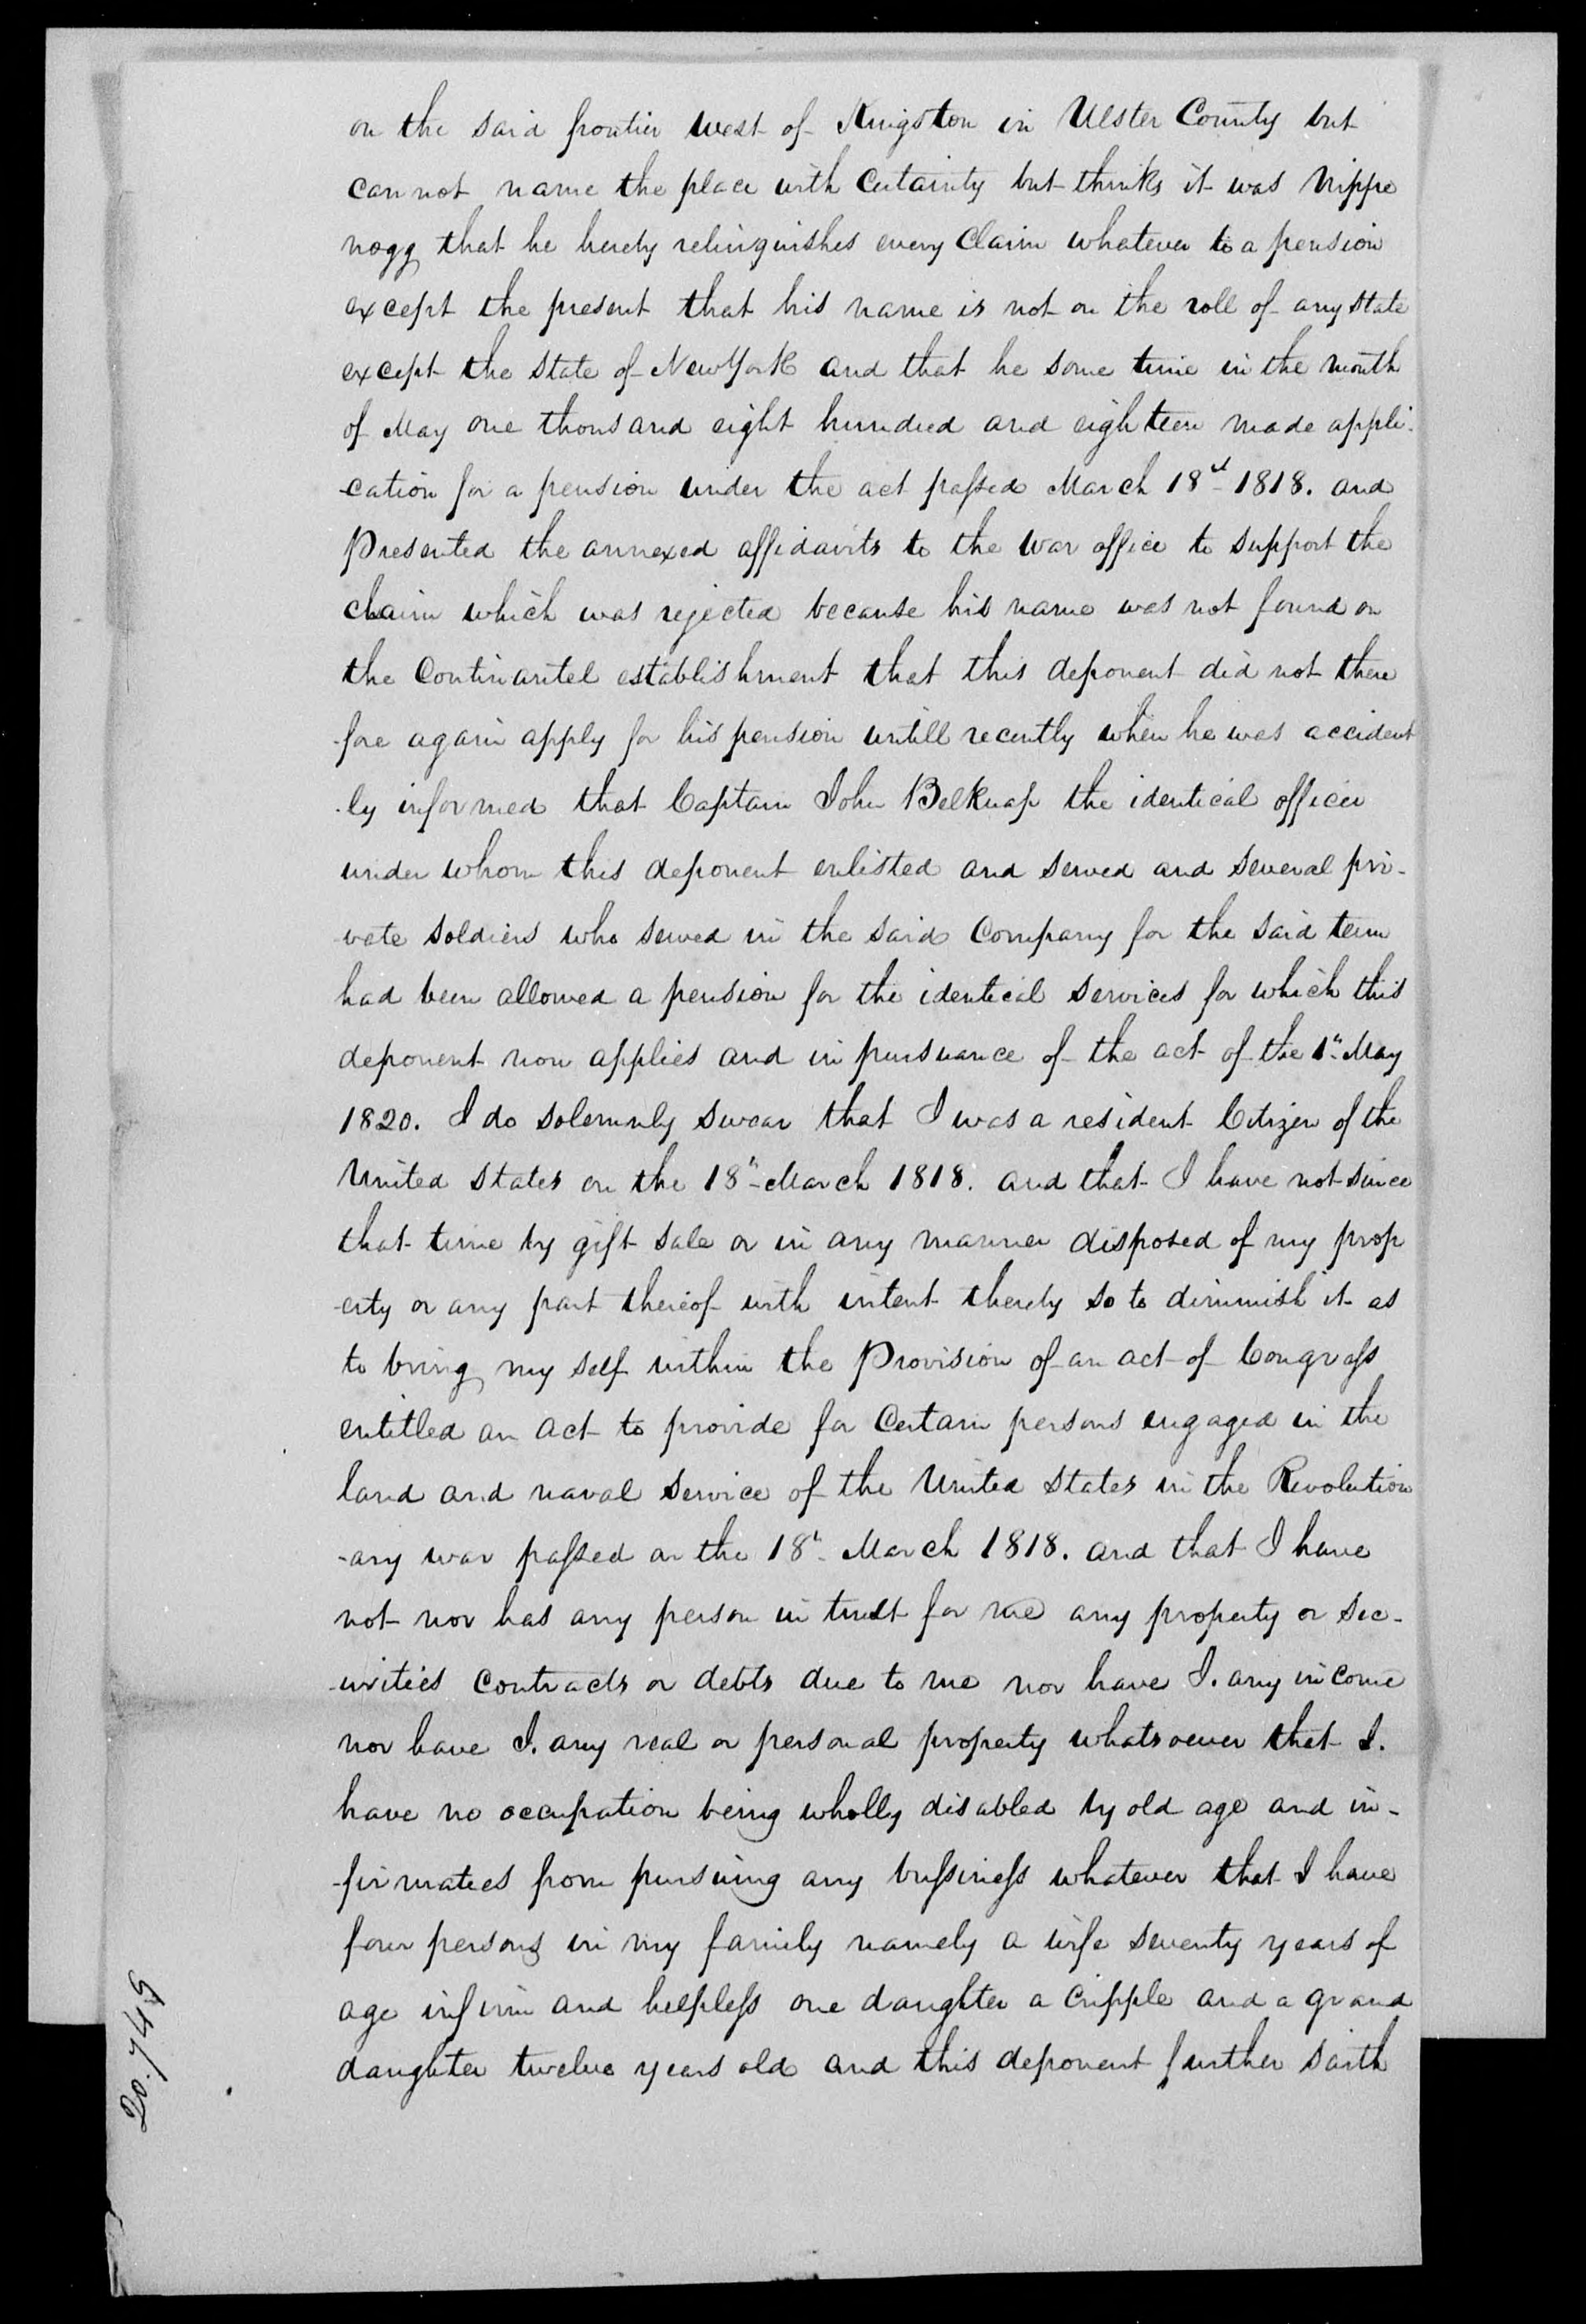on the said frontier west of Kingston in Ulster County but cannot name the place with Certainty but thinks it was Nipplenoggnipp that he hereby relinquishes every Claim whatever to a pension except the present that his name is not on the roll of State except the State of New York and that he some time in the month of May one thousand eight hundred and eighteen made application for a pension under the act passes March 18th 1818. and presented the annexed affidavits to the war office to support the claim which was rejected because his name was not found on the Continental establishment that this deponent did not therefore again apply for his pension untill recently when he was accidently informed that Captain John Belknap the identical officer under whom this deponent enlisted and served and several private soldiers who served in the said Company for the said term had been allowed a pension for the identical services for which that deponent now applies and in pursurance? of the act of the 4 May 1820. I do solemnly Swear that I was a resident Citizen of the United States on the 18th March 1818 and that I have not since that time by gift sale or in any manner disposed of my property or any part thereof with intent thereby so to diminish it as to bring my self within the Provision of an act of Congress entitled an act to provide for Certain persons engaged in the land and naval Service of the United States in the Revolution was passed on the 18th March 1818. and that I have not nor has any person in trust for me any property or ? writies? Contracts or debts due to me nor I have I any income nor have I any real or personal property whatsoever that I have no occupation being wholly disabled by old age and infirmities from pursuing any business whatever that I have four persons in my family name a wife seventy years of age infirm and helpless one daughter a Cripple and a grand daughter twelve years old and this deponent further saith

20.745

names: John Belknap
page: 4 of 23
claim: survivor's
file: S 42891, for Isaac Lockwood, New York